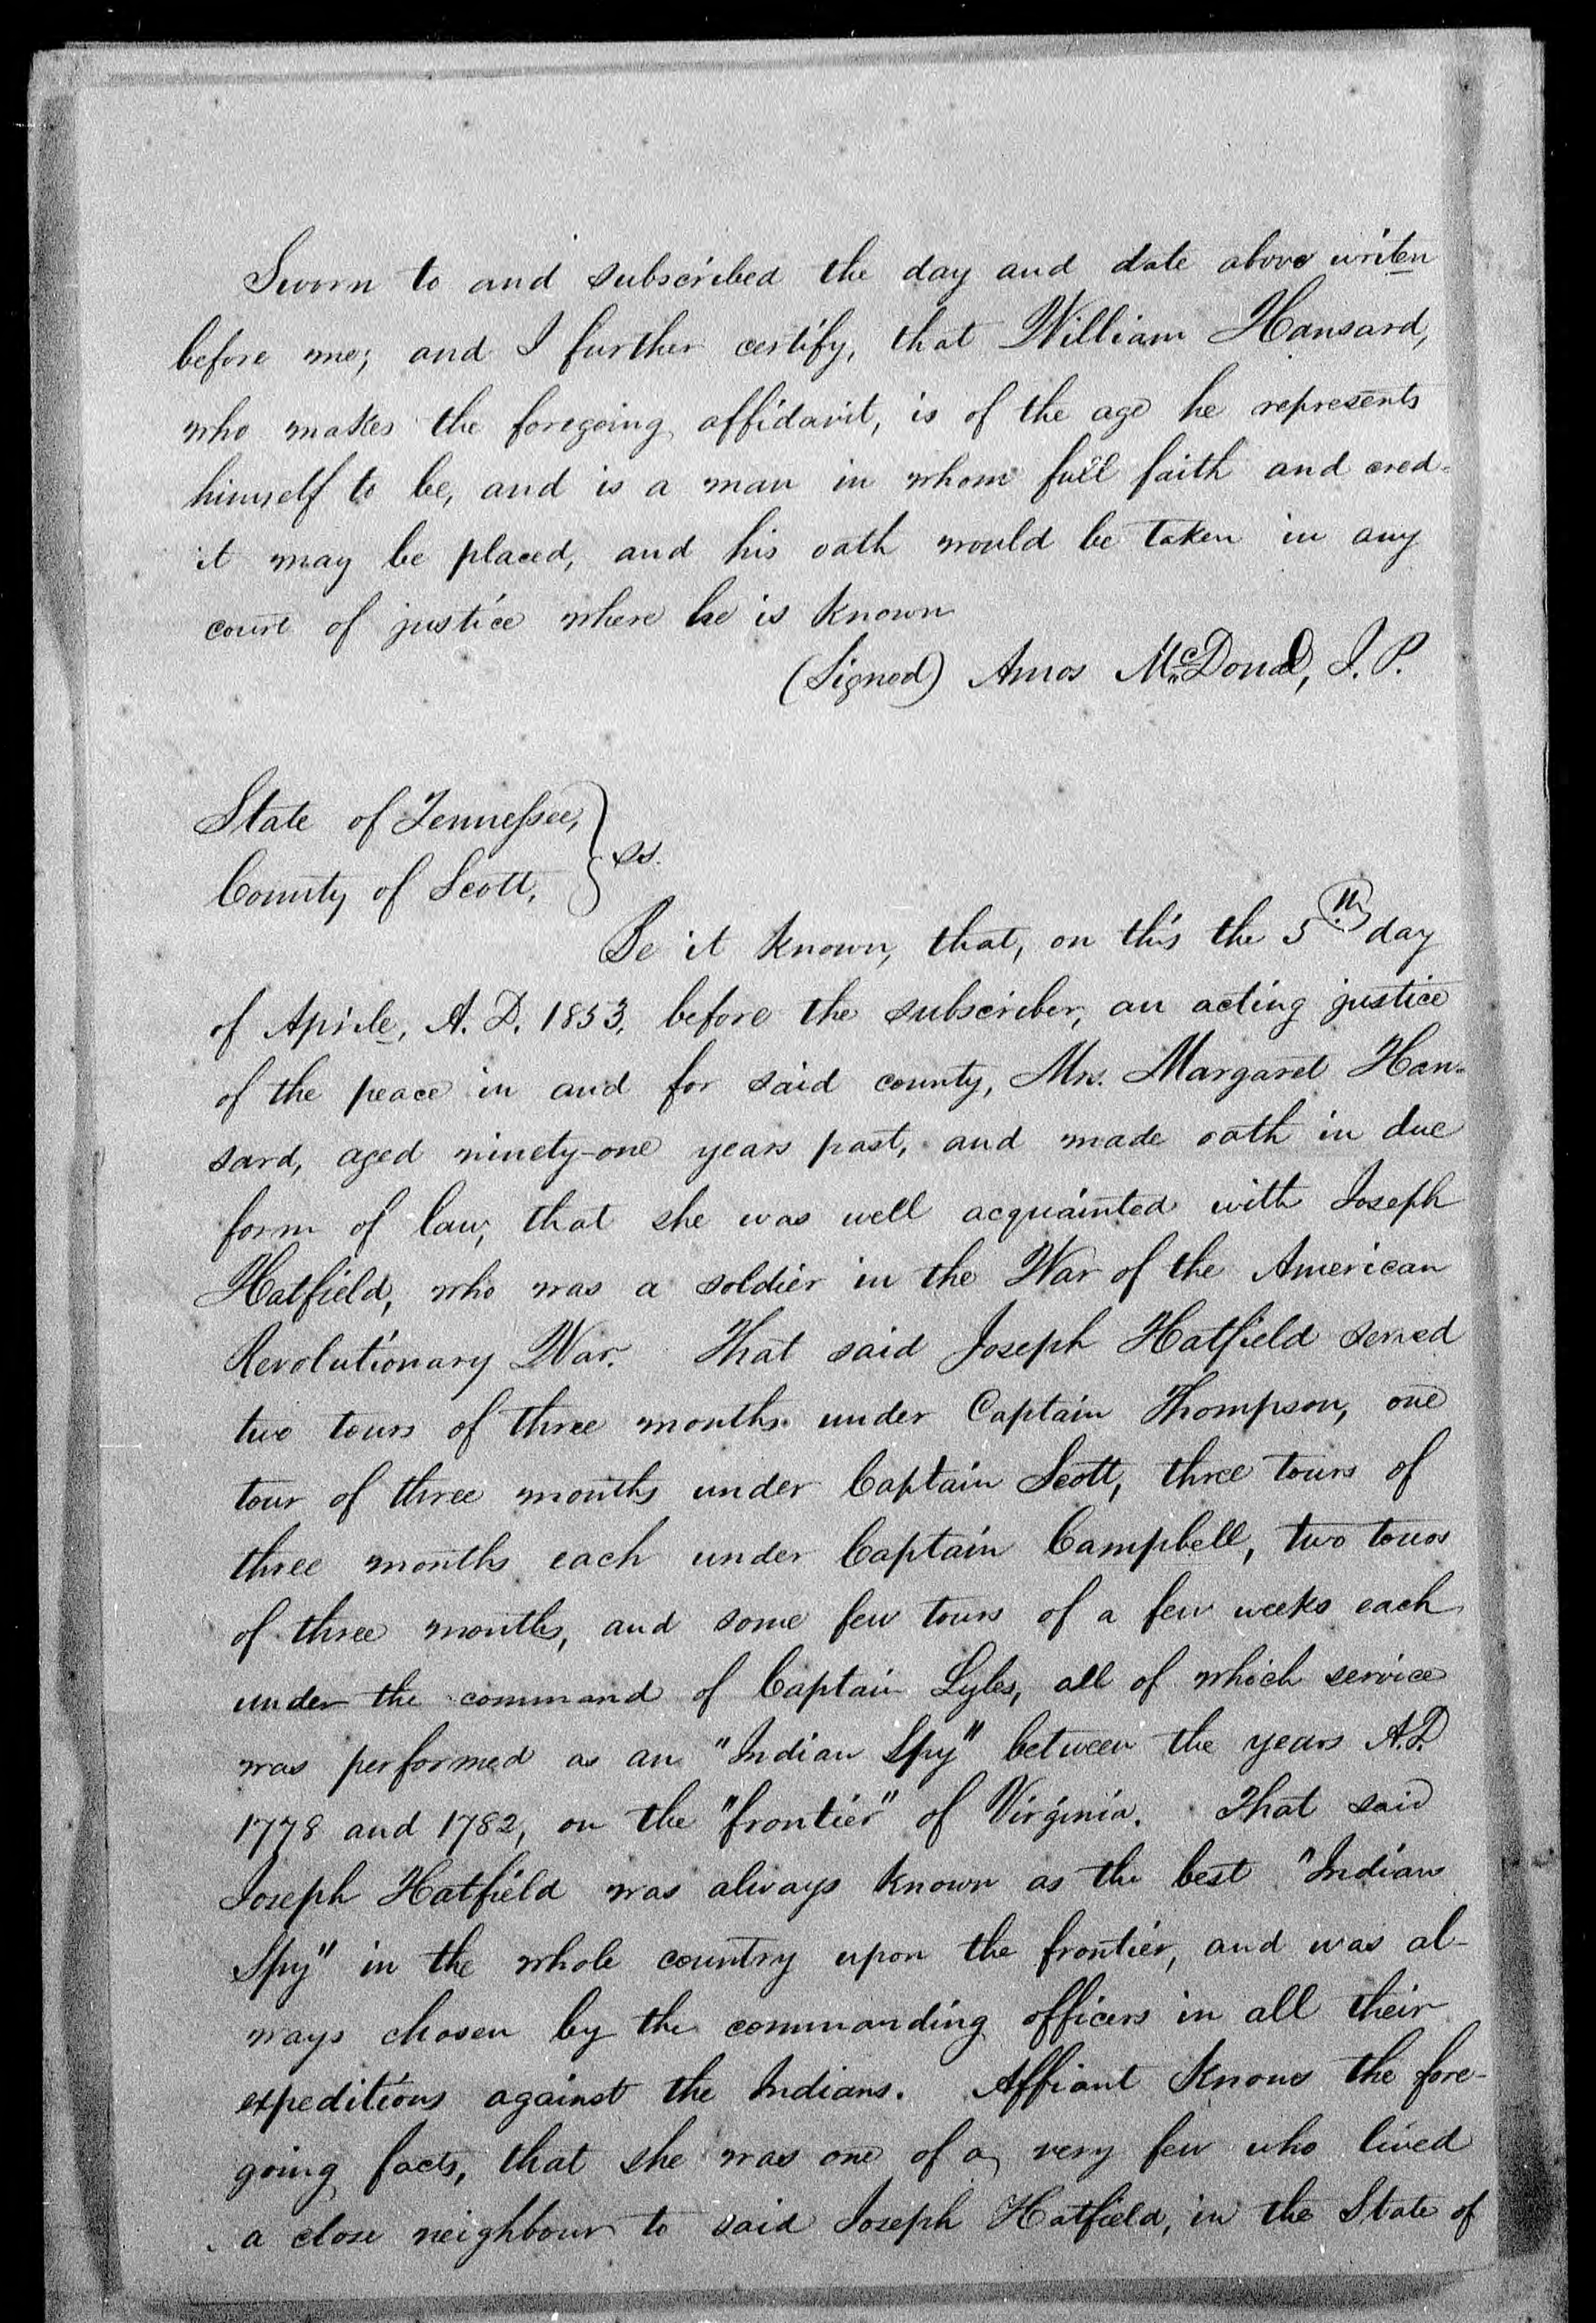Sworn to and subscribed the day and date above written before me; and I further certify, that William Hansard, who makes the foregoing affidavit, is of the age he represents himself to be, and is a man in whom full faith and credit may be placed, and his oath would be taken in any court of justice where he is known
(Signed) Amos McDonald, J.P.

State of Tennessee}
County of Scott,} ss.
Be it known, that, on this the 5th day
of April, A.D. 1853, before the subscriber, an acting justice of the peace in and for said county, Mrs. Margaret Hansard, aged ninety-one years past, and made oath in due form of law, that she was well acquainted with Joseph Hatfield, who was a soldier in the War of the American Revolutionary War. That said Joseph Hatfield served two tours of three months, under Captain Thompson, one tour of three months under Captain Scott, three tours of three months each under Captain Campbell, two tours of three months, and some few tours of a few weeks each under the command of Captain Lyles, all of which service was performed as an "Indian Spy" between the years A.D. 1778 and 1782, on the "frontier" of Virginia. That said Joseph Hatfield was always known as the best "Indian Spy" in the whole country upon the frontier, and was always chosen by the commanding officers in all their expeditions against the Indians. Affiant knows the foregoing facts, that she was one of a very few who lived a close neighbor to said Joseph Hatfield, in the State of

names: Scott, Joseph Hatfield, Amos Mc Donald, Lyles, Joseph Hatfield, Joseph Hatfield, Joseph Hatfield, Thompson, Margaret Hansard, William Hansard, Campbell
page: 43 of 74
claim: widow's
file: W. 5, Joseph Hatfield, Va.